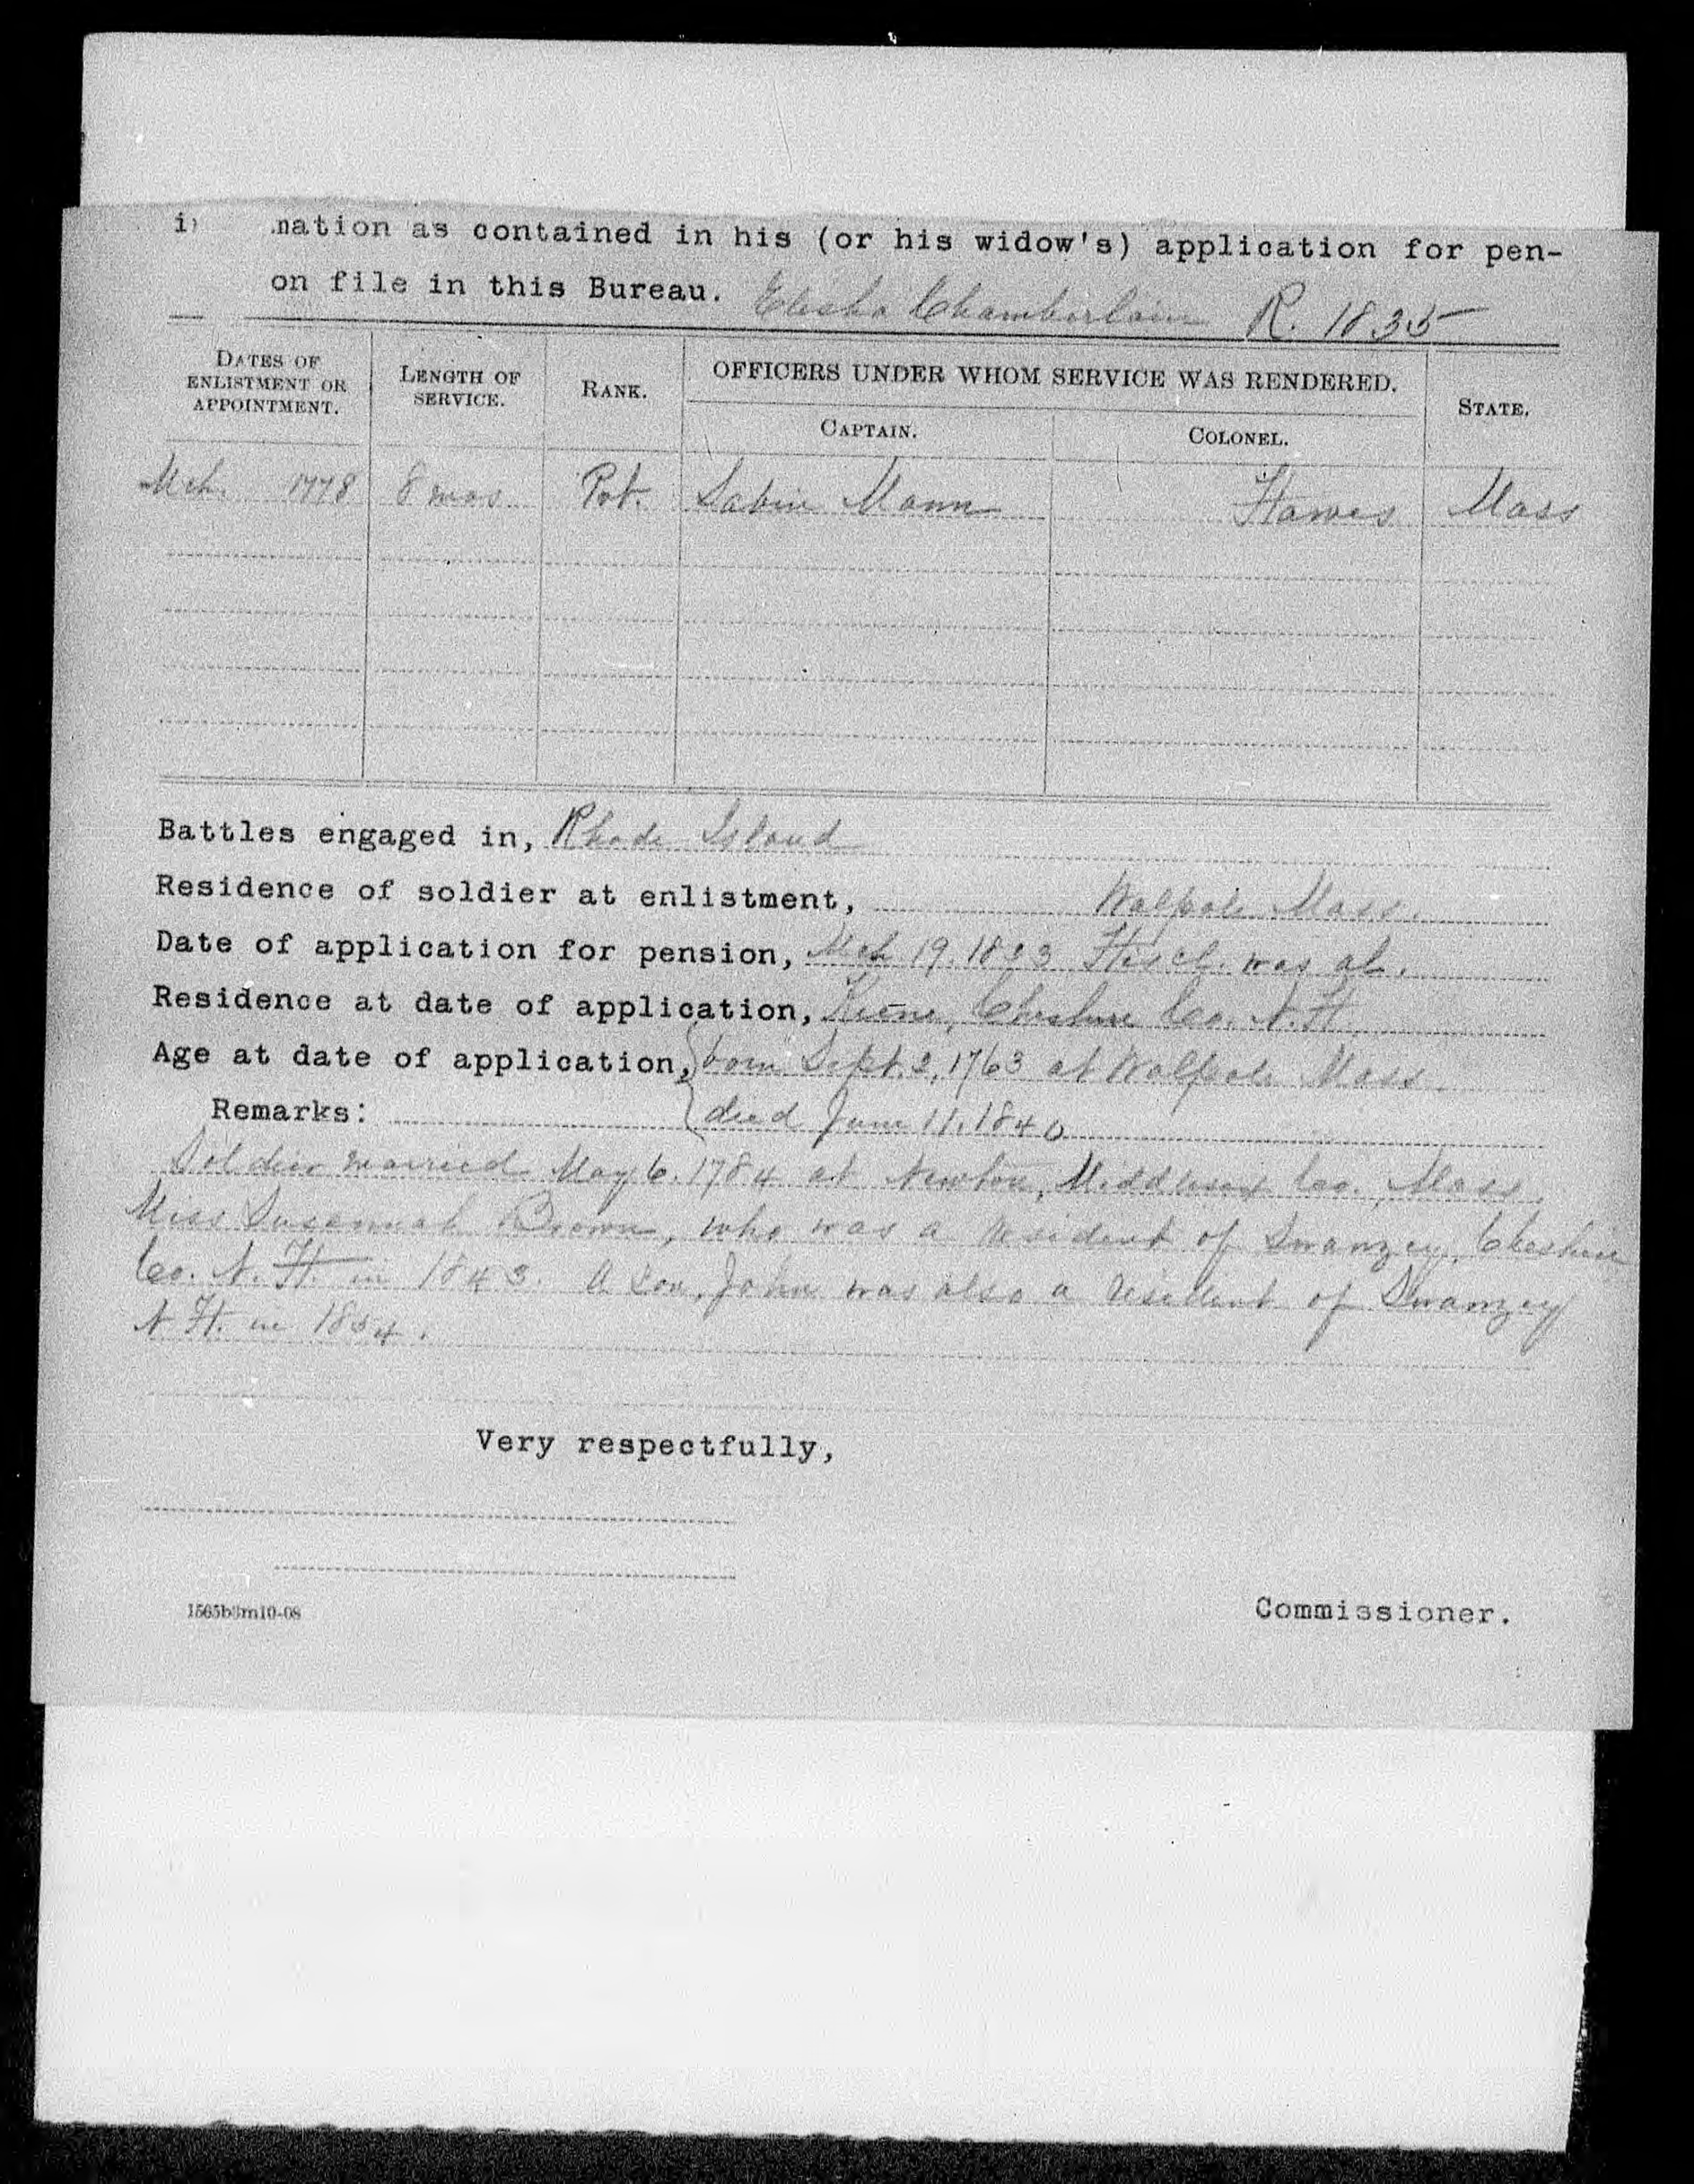information as contained in his (or his widow's) application for pension on file in this Bureau.
Elisha Chamberlain  R. 1835

[Column 1]
DATES OF ENLISTMENT OR APPOINTMENT.
Mch. 1778

[Column 2]
OF SERVICE.
8 mos

[Column 3]
RANK.
Pvt.

[Column 4]
OFFICERS UNDER WHOM SERVICE WAS RENDERED.
CAPTAIN.......................................COLONEL.
Savin Mann.................................... Flames

[Column 5]
STATE.
Mass

Battles engaged in,  Rhode Island

Residence of soldier at enlistment,  Walpole Mass.

Date of application for pension, Mch. 19, 1833  His cl. was al.

Residence at date of application,  Keene, Cheshire Co., N.H.

Age at date of application,  born Sept. 3, 1763 at Walpole Mass.   died June 11, 1840

Remarks:
Soldier married May 6, 1784 at Newton, Middlesex Co., Mass.  Miss Susannah Brown, who was a resident of Swanzey, Cheshire Co. N.H. in 1843.  A son, John was also a resident of Swanzey N.H. in 1834.

Very respectfully,

Commissioner.

1565b3m10-08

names: John, Elisha Chamberlain, Sabin Mann, Susannah Brown, Hawes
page: 19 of 24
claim: rejected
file: R. 1835, Elisha Chamberlain, Mass.